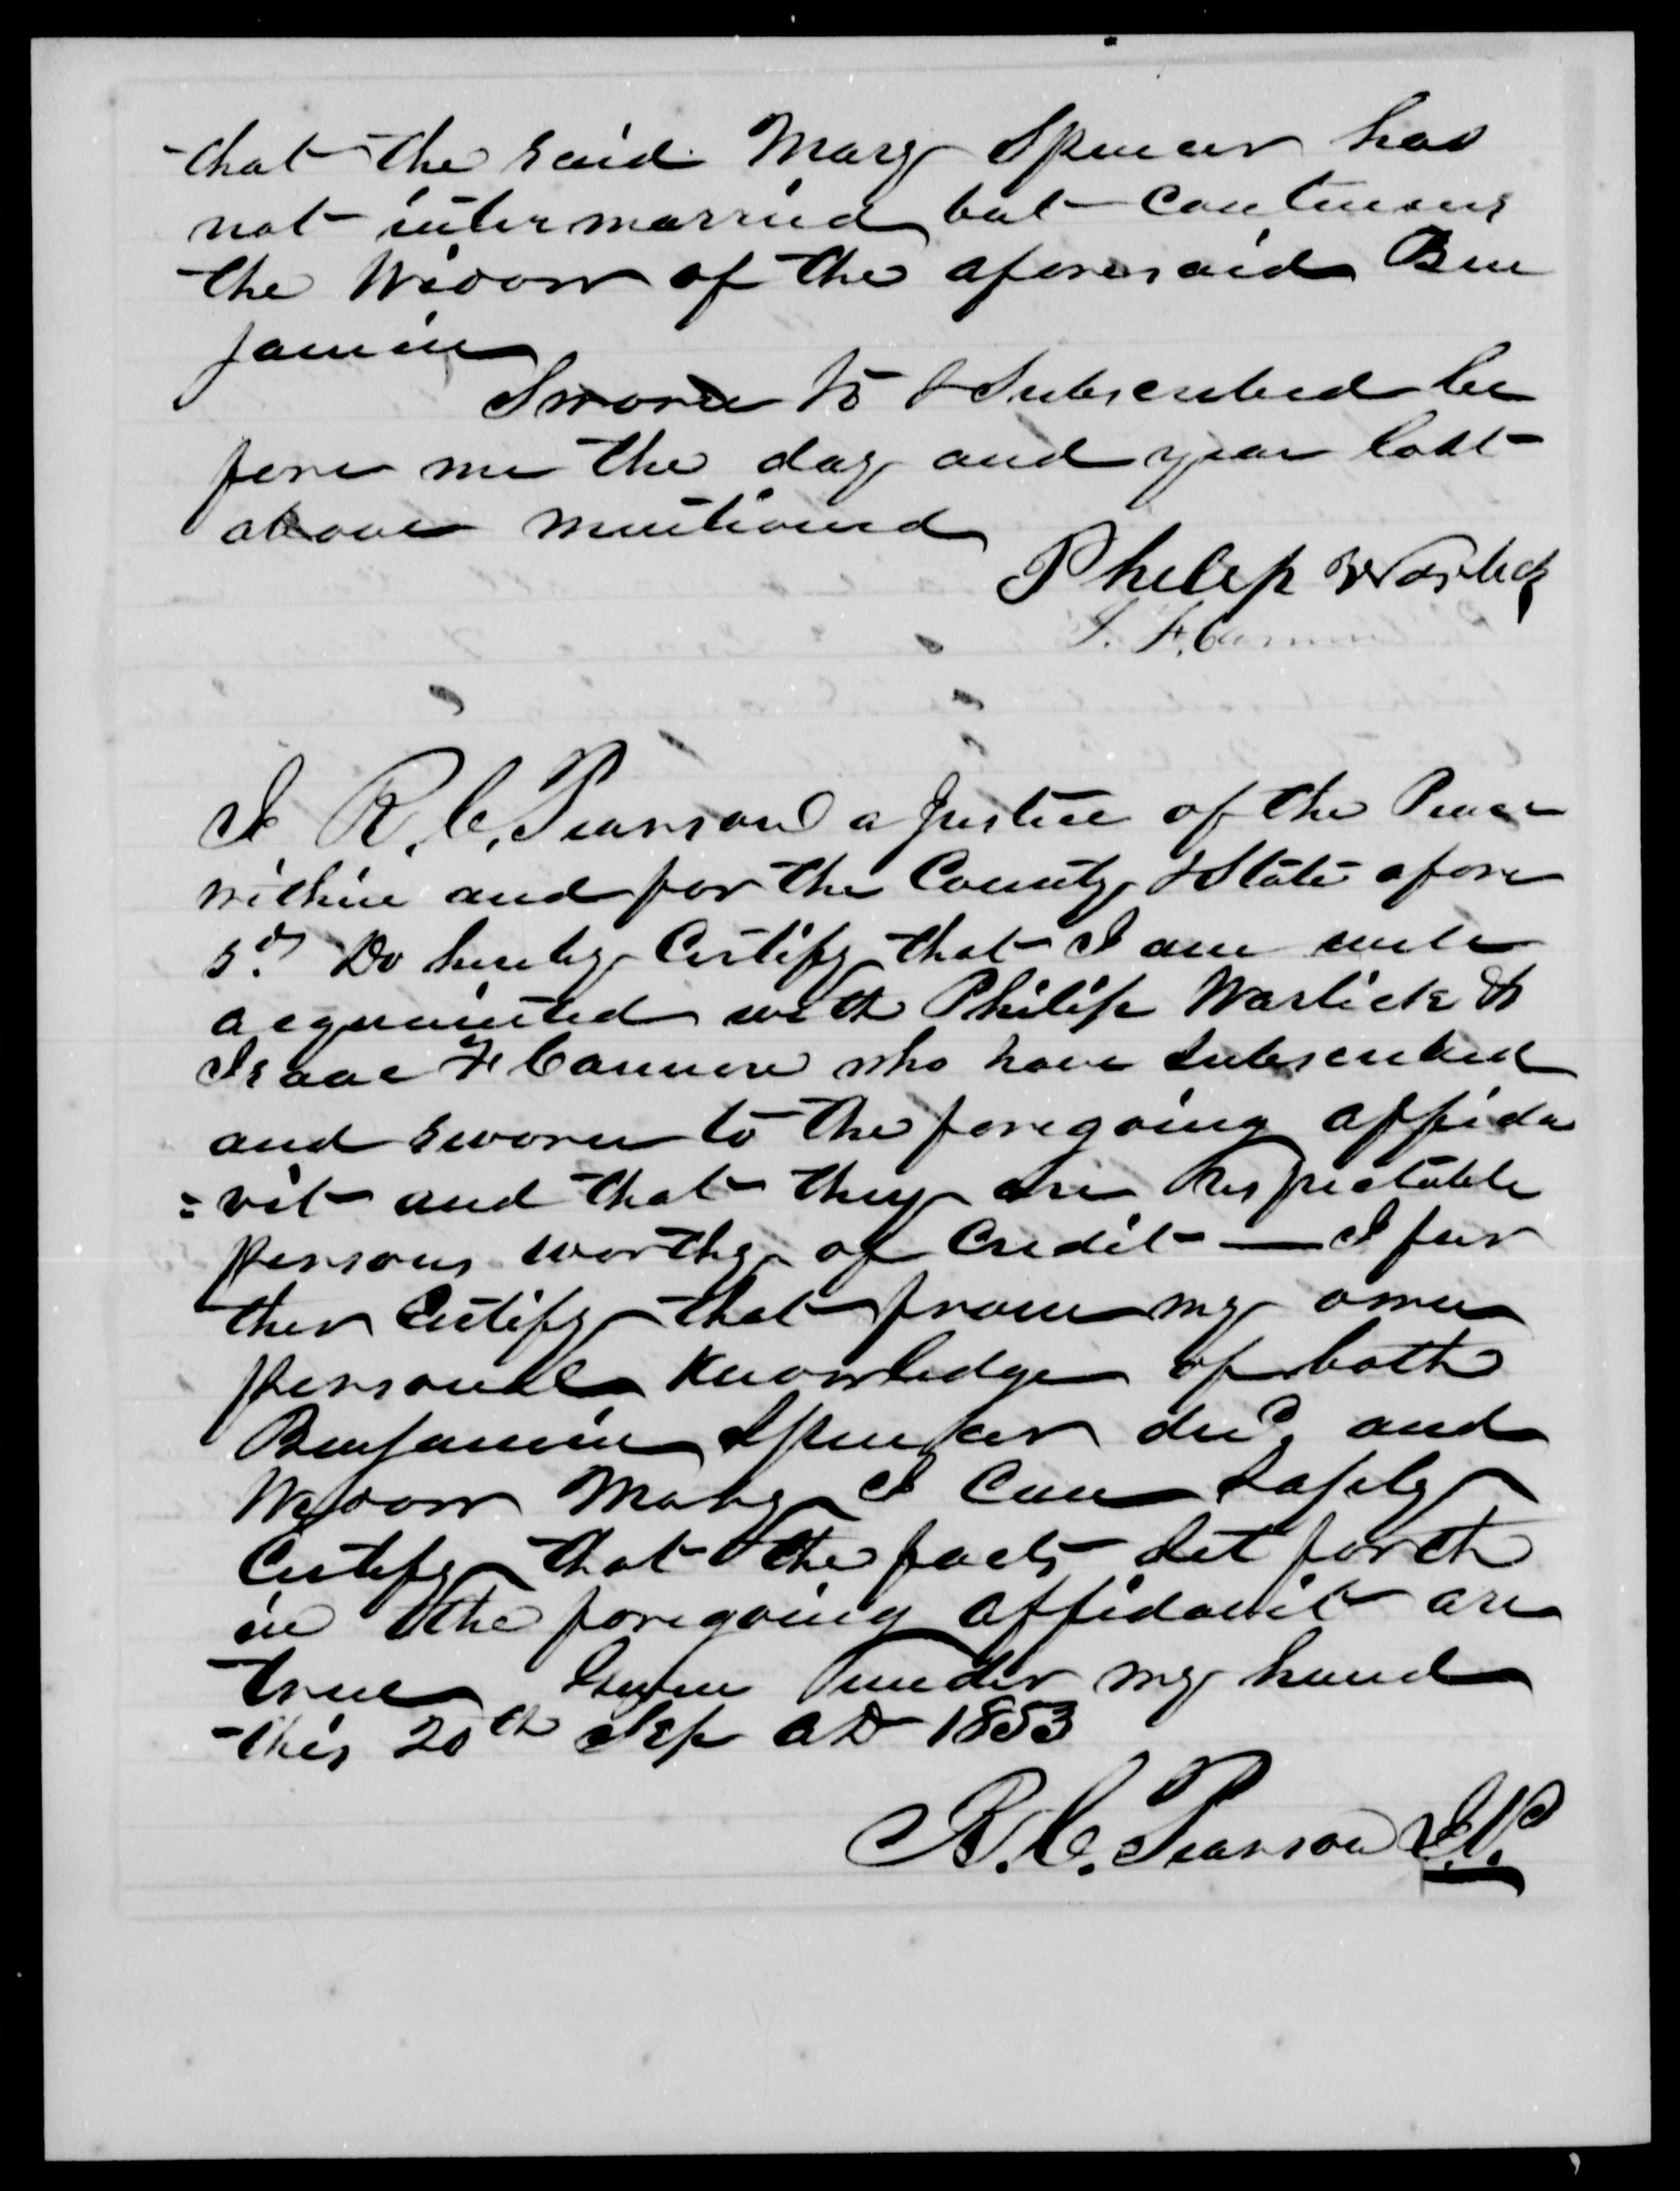that the said Mary Spencer has
not intermarried but continues
the Widow of the aforesaid Benjamin.
 Sworn to Subscribed before me the day and year last above mentioned
Philip Warlick
J.F.C.
I R.C. Pearson a Justice of the Peace
within and for the County & State above
Do hereby certify that I am well
acquainted with Philip Warlick &
Isaac F Cannon who have subscribed
and sworn to the foregoing affidavit and that they respectable
persons worthy of credit- I further certify that from my own
personal knowledge of both
Benjamin Spencer dec'd. and
Widow Mary I Can safely
certify that the facts set forth
in the foregoing affidavit are true.
Given under my hand
this 20th Sept AD 1853
R.C. Pearson J. P.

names: R C Pearson; Benjamin Spencer; Philip Warlick; Isaac F Cannon; R C Pearson; Benjamin [BLANK]; Philip Warlick; Mary Spencer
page: 53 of 63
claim: widow's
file: W. 6158, for Benjamin Spencer, North Carolina